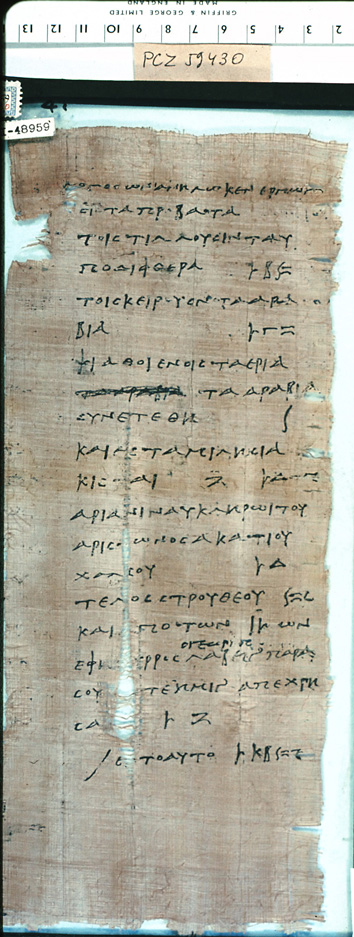λογοϲωνανηλωκεν ερμων
ειϲταπροβατα
τοιϲτιλλουϲινταυ
ποδιφθερα Ͱβ∫≈
τοιϲκειρουϲιντααρα
βια Ͱγ≈
ψιαθοιενοιϲταερια
τααραβια
ϲυνετεθη
καιειϲταμιληϲια
κιϲται ζ ͰδⲺ𐅀
αριανιναυκληρωιτου
αριϲτωνοϲακατιου
χαλκου Ͱδ
τελοϲϲτρουθεου ∫≈𐅵
και ποτων ιͰ ων
εφη ρροϲλαβεινπαρα
ϲου τεημιν απεχρη
ϲα Ͱ ζ
/ ε τοαυτο Ͱ κβ ∫≈𐅀